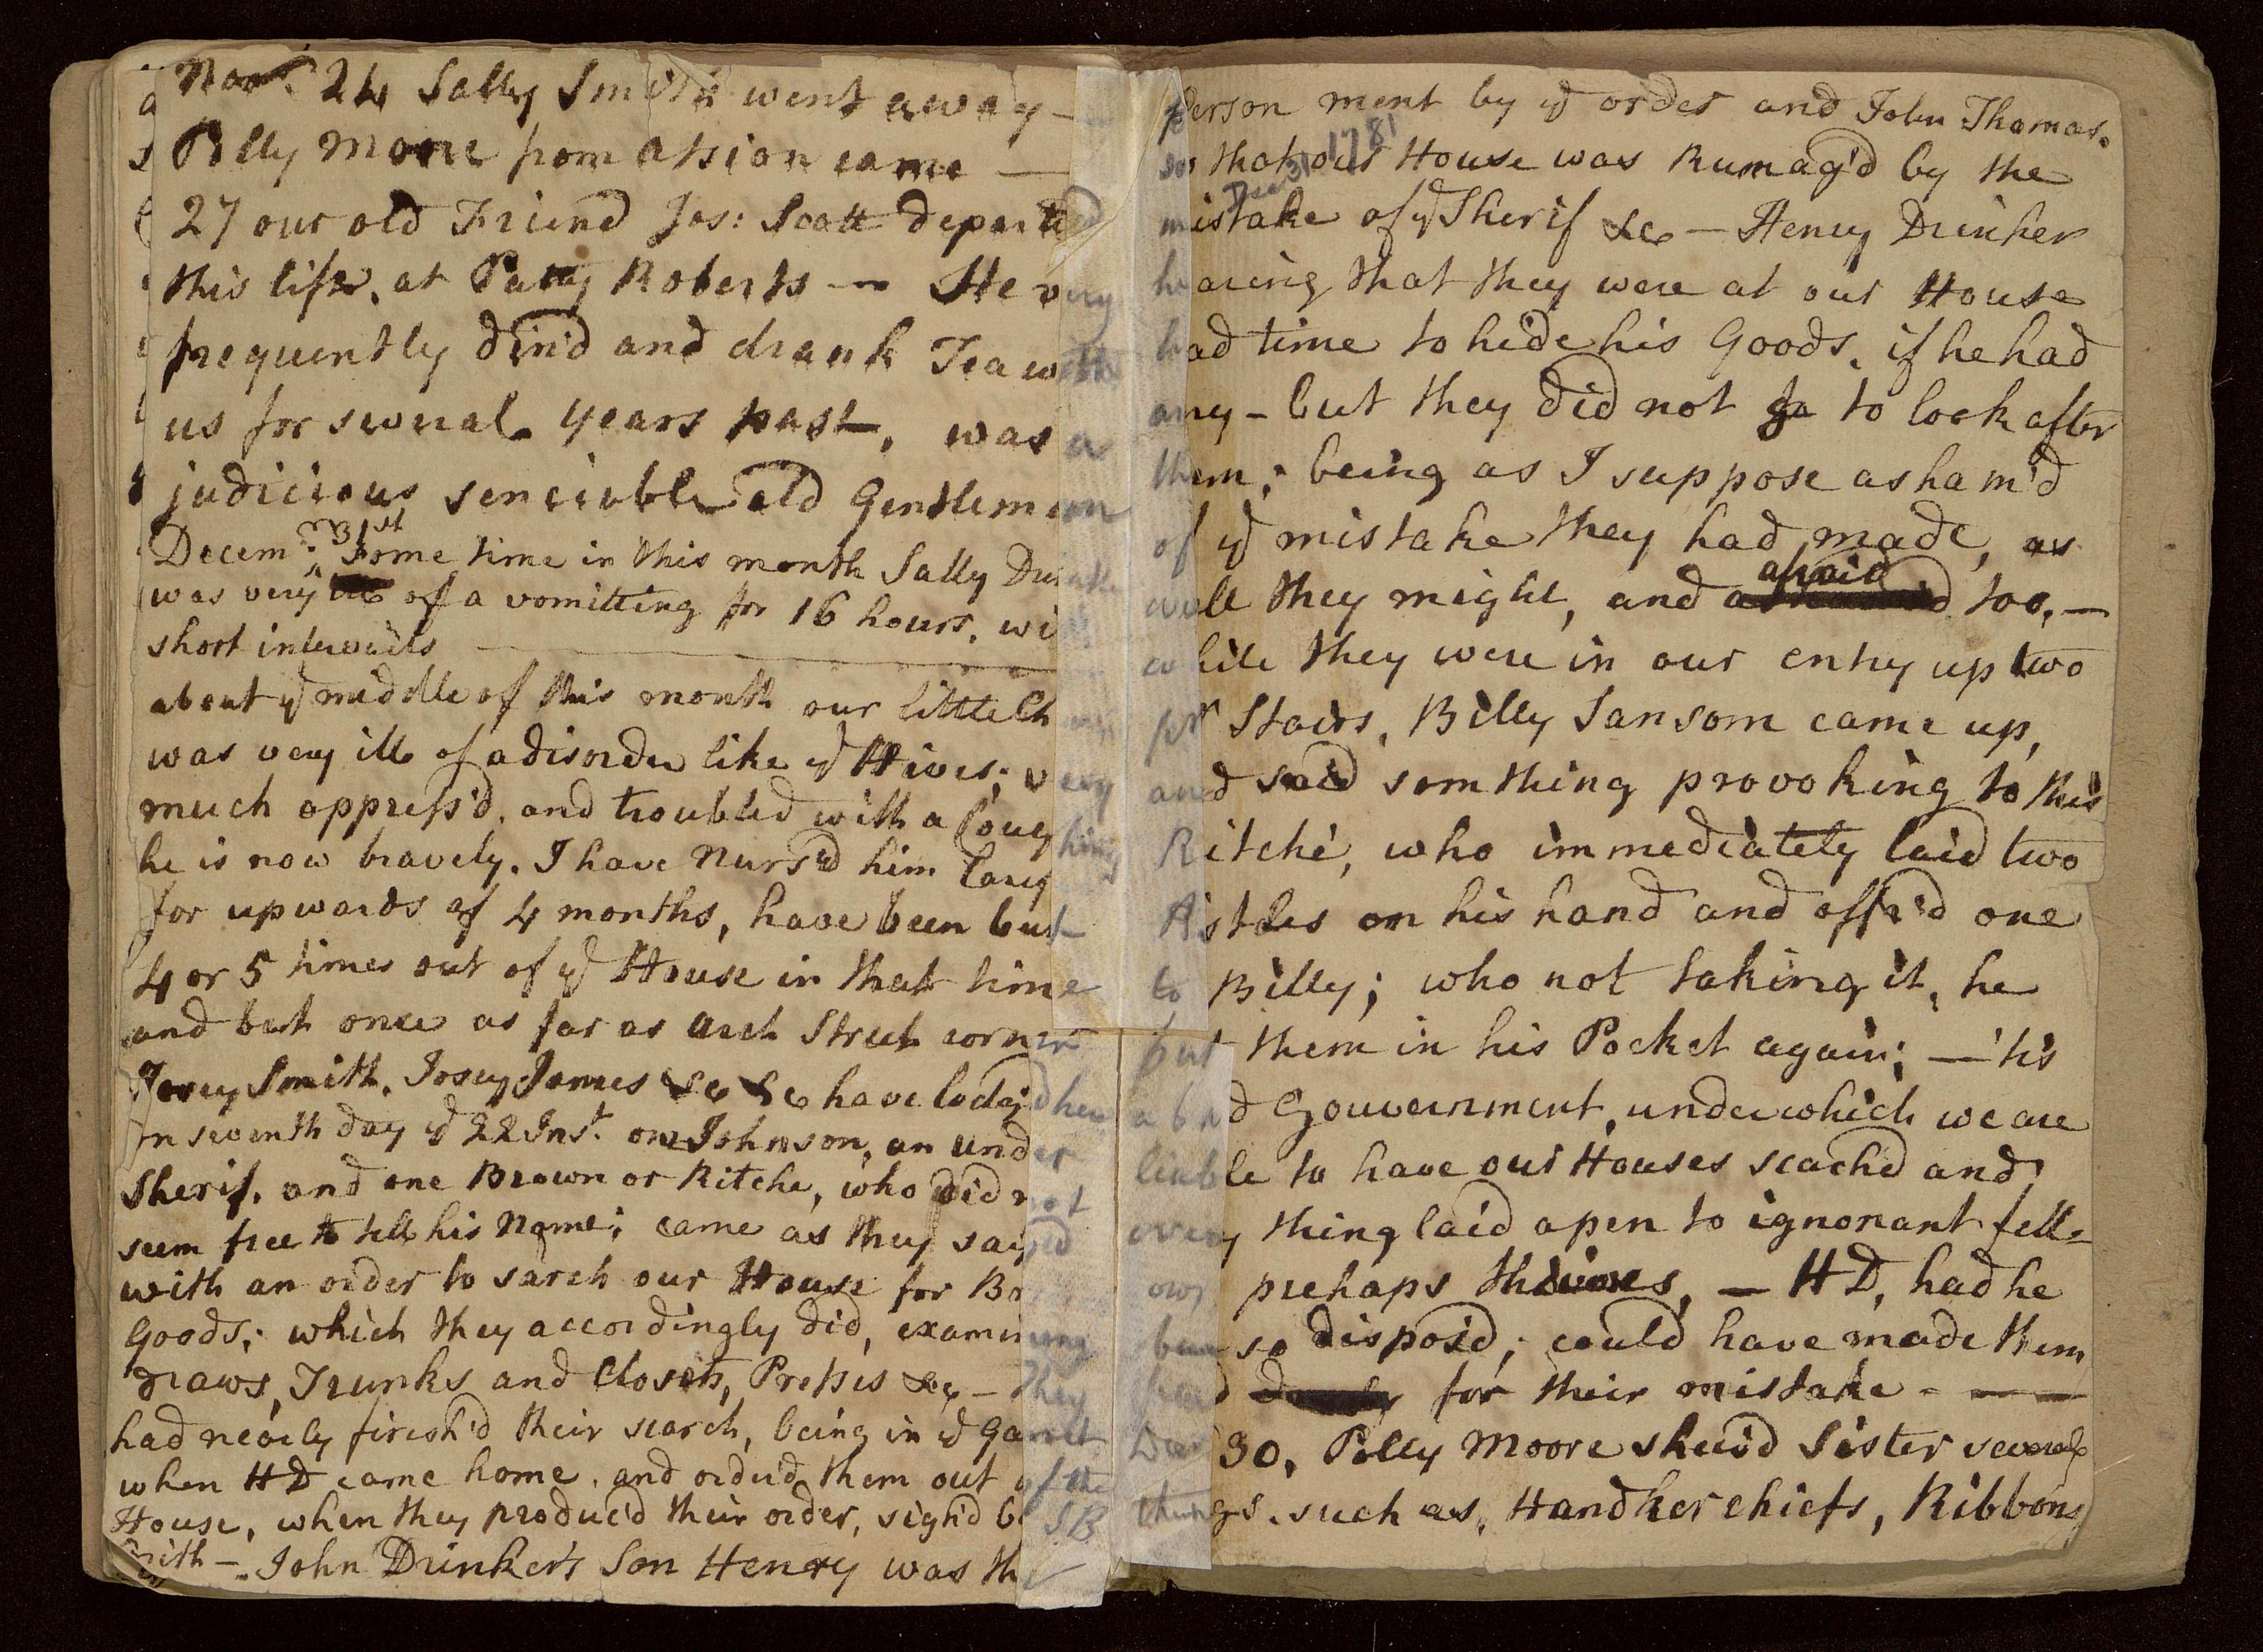Nov^r. 24 Sally Smith went away-
Polly Moor from Atsion came-
27 our old Friend Jos: Scott departed
this life, at Patty Roberts- He very
frequently din'd and drank Tea with
us for several years past, was a
judicious senciable and Gentleman
Decem^r. ^31^st some time in this month Sally Drinker
was very ill of a vomitting for 16 hours, with
short intervails-
about y^e middle of this month our little Ch[___]
was very ill of a disorder like y^e Hives; very
much oppress'd, and troubled with a Coughing
he is now bravely. I have nurs'd him Caref
for upwards of 4 months, have been but
4 or 5 times out of y^e Hour in that time
and but once as far as Arch Street corner
Josey Smith, Josey James &c &c have lodg'd her
on seventh day y^e 22 Ins^t. one Johnson, an under
Sherif, and one Brown or Ritche, who did not
seem free to tell his name: came as they say'd
with an order to sarch our House for Br
Goods; which they accordingly did, examining
draws, Trunks and Closets, Pressis &c- they
had nearly finish'd their search, being in y^e garnt
when HD came home, and order'd them out of the
House, when they produc'd their order, sigh'd C S.B.
mith- John Drinker's Son Henry was the
Person ment by y^e order and John Thomas,
so that our House was Rumag'd by the
mistake of y^e Sherif &c- Henry Drinker
hearing that they were at our House
had time to hide his Goods, if he had
any- but they did not go to look after
them; being as I suppose asham'd
of y^e mistake they had made, as
afraid
well they might, and [asham'd] too,-
while they were in our entry up two
p^r Stairs, Billy Sansom came up,
and said somthing provoking to this
Ritchi who immediately laid two
[Pistles] on his hand and offr'd one
to Billy; who not taking it, he
but them in his Pocket again;- 'tis
a bad Gouvernment, under which we are
liable to have our Houses seach'd and
every thing laid open to ignorant fell
ow prehaps [shivers],- HD had he
[but] so dispos'd; could have made them
[___] [deeply] for their mistake--
Jan 30, Polly Moore shew'd Sister several
things, such as, Handkerchiefs, Ribbons,